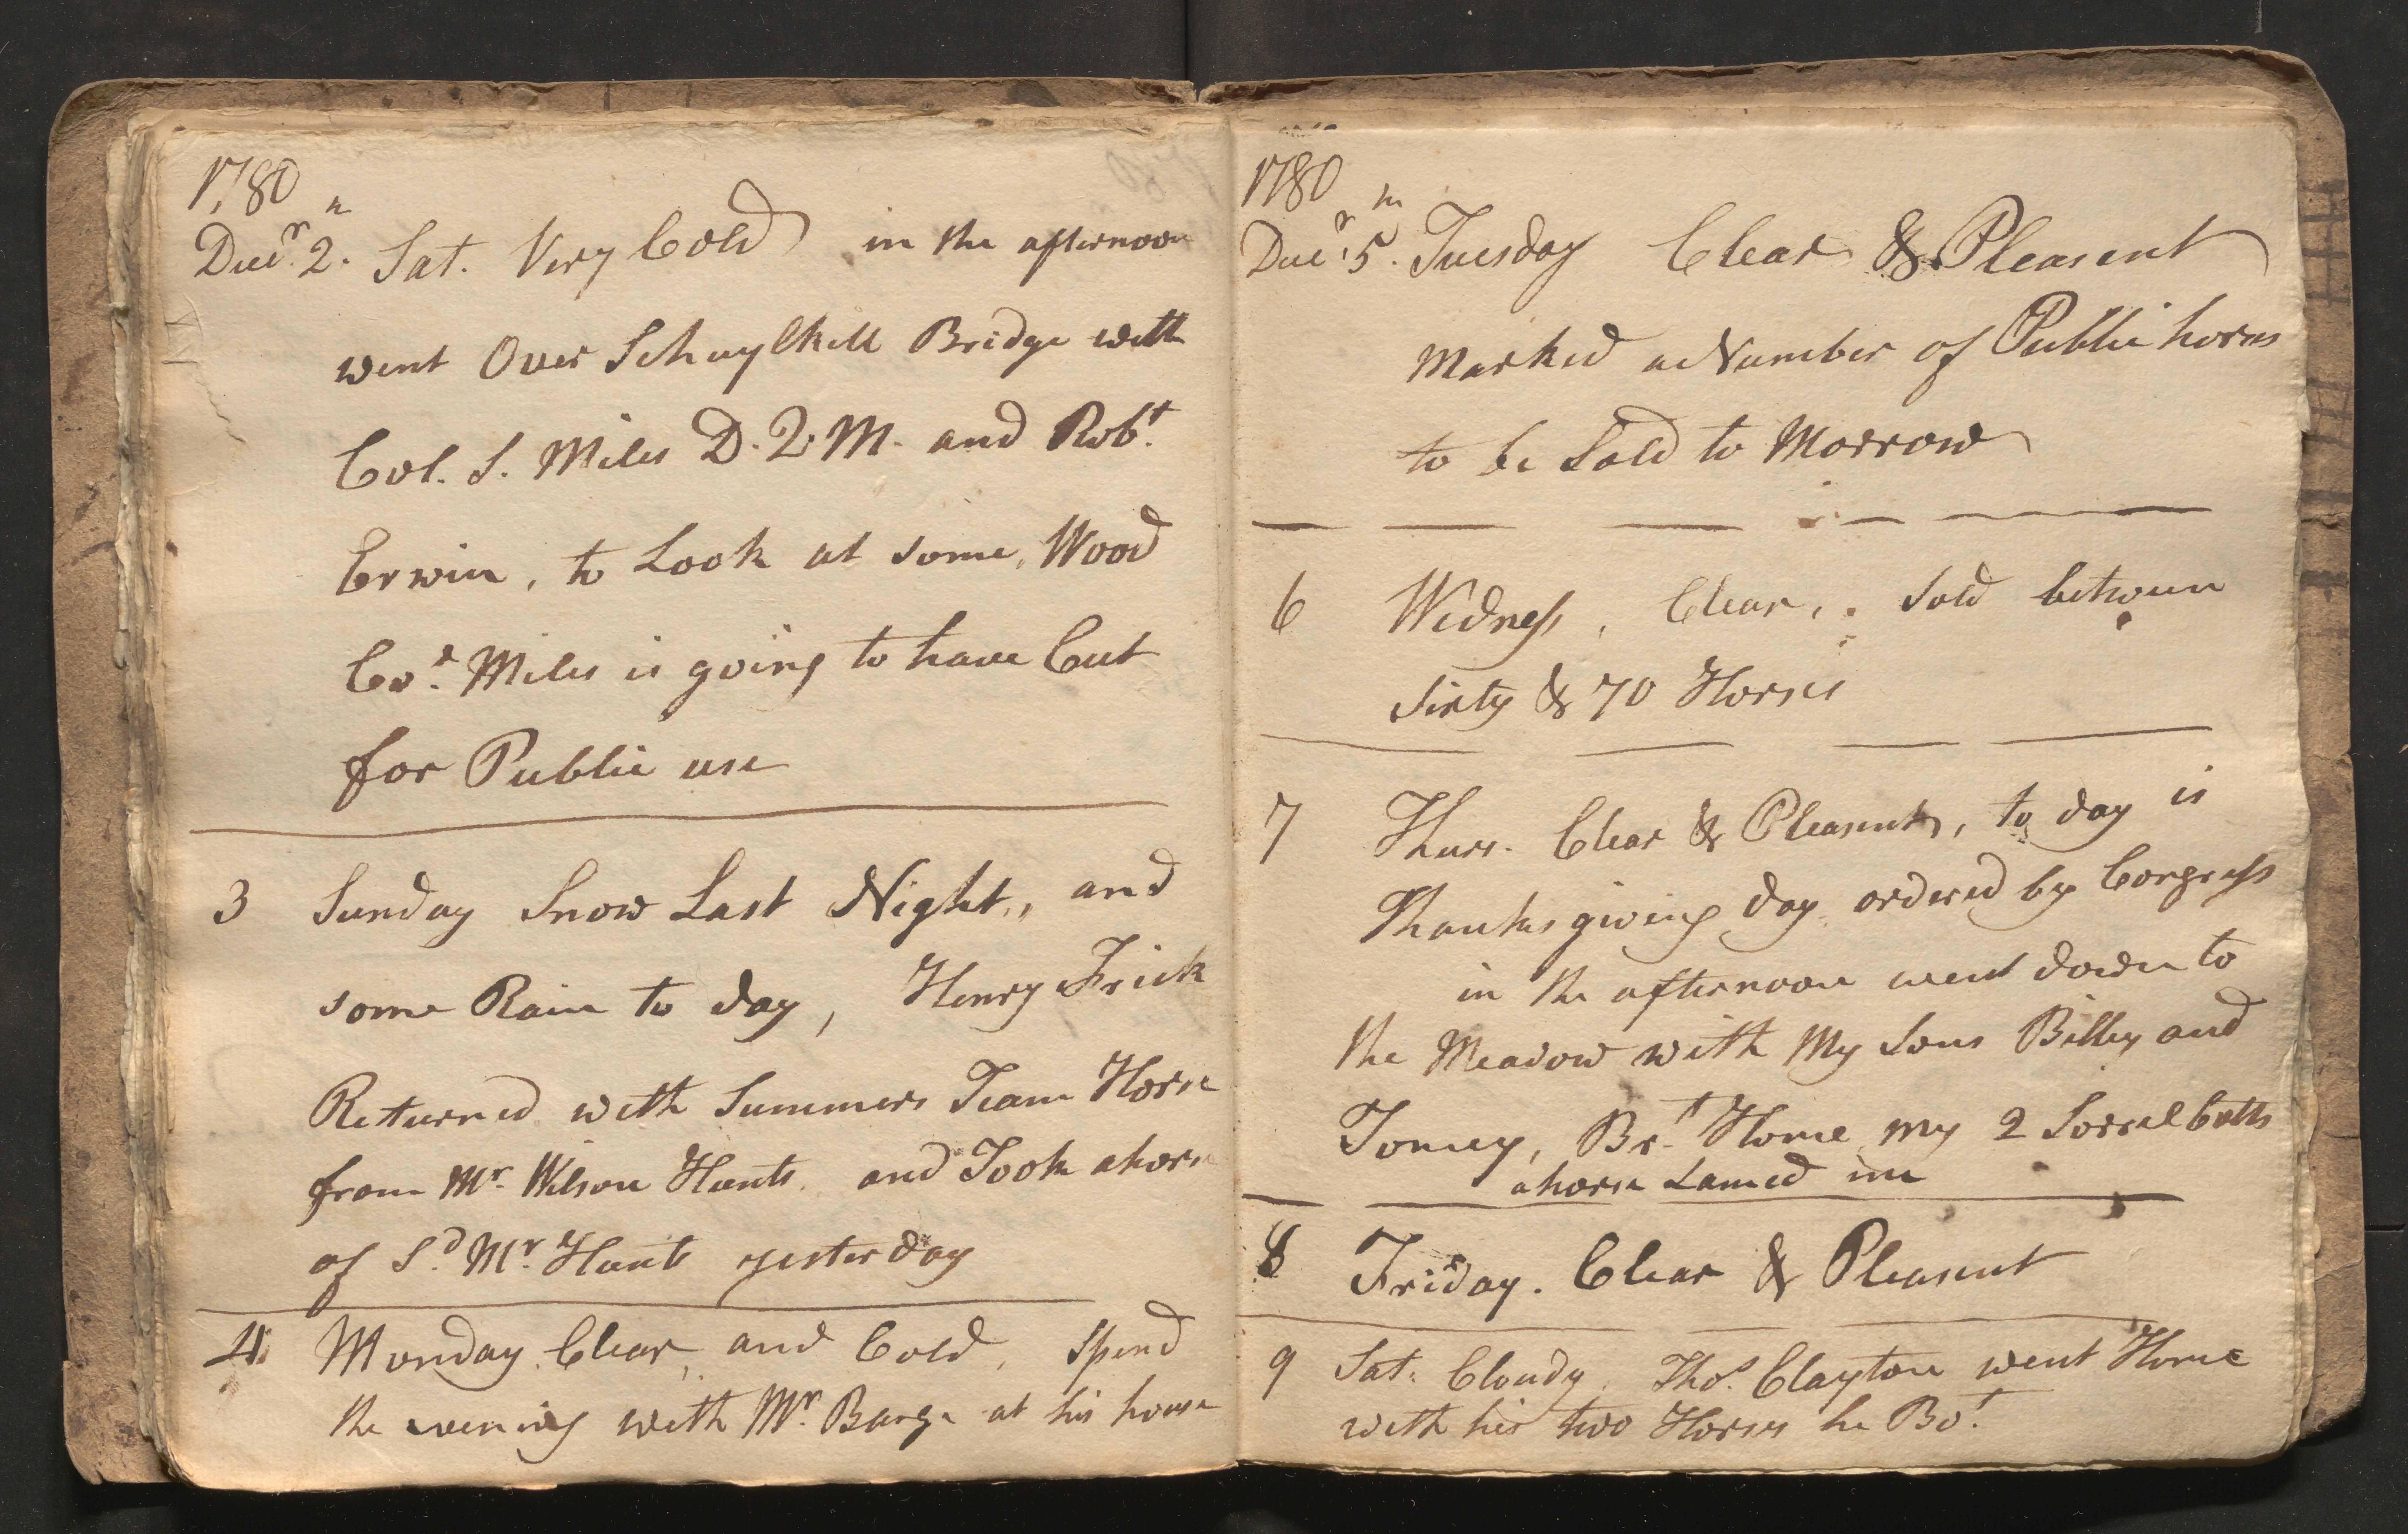1780
Dec^r. 2^th. Sat. Very Cold in the afternoon
went over Schuylkill Bridge with
Col. S. Miles D.Q.M. and Rob^t.
Erwin, to Look at some Wood
Co^l. Miles is going to have Cut
for Public use
3 Sunday Snow Last Night. and
some Rain to day, Henry Frick
Returned with Summers Team Horse
from M^r. Wilson Hunts, and Took a horse
of s^d. M^r. Hunt yesterday
4 Monday Clear and Cold, spend
the evening with M^r. Barge at his house
1780
Dece^r. 5^th Tuesday Clear & Pleasent
Marked a Number of Public horses
to be sold to Morrow
6 Wedness Clear, sold between
Sixty & 70 Horses
7 Thurs. Clear & Pleasent, to day
Thanksgiving day ordered by Congress
in the afternoon went down to
the Meadow with My Sons Billey and
Tomey, Br^t. Home my 2 Sorrel Colts
a horse Lamed me
8 Friday. Clear & Pleasent
9 Sat. Cloudy. Tho^s. Clayton went Home
with his two Horses he Bo^t.